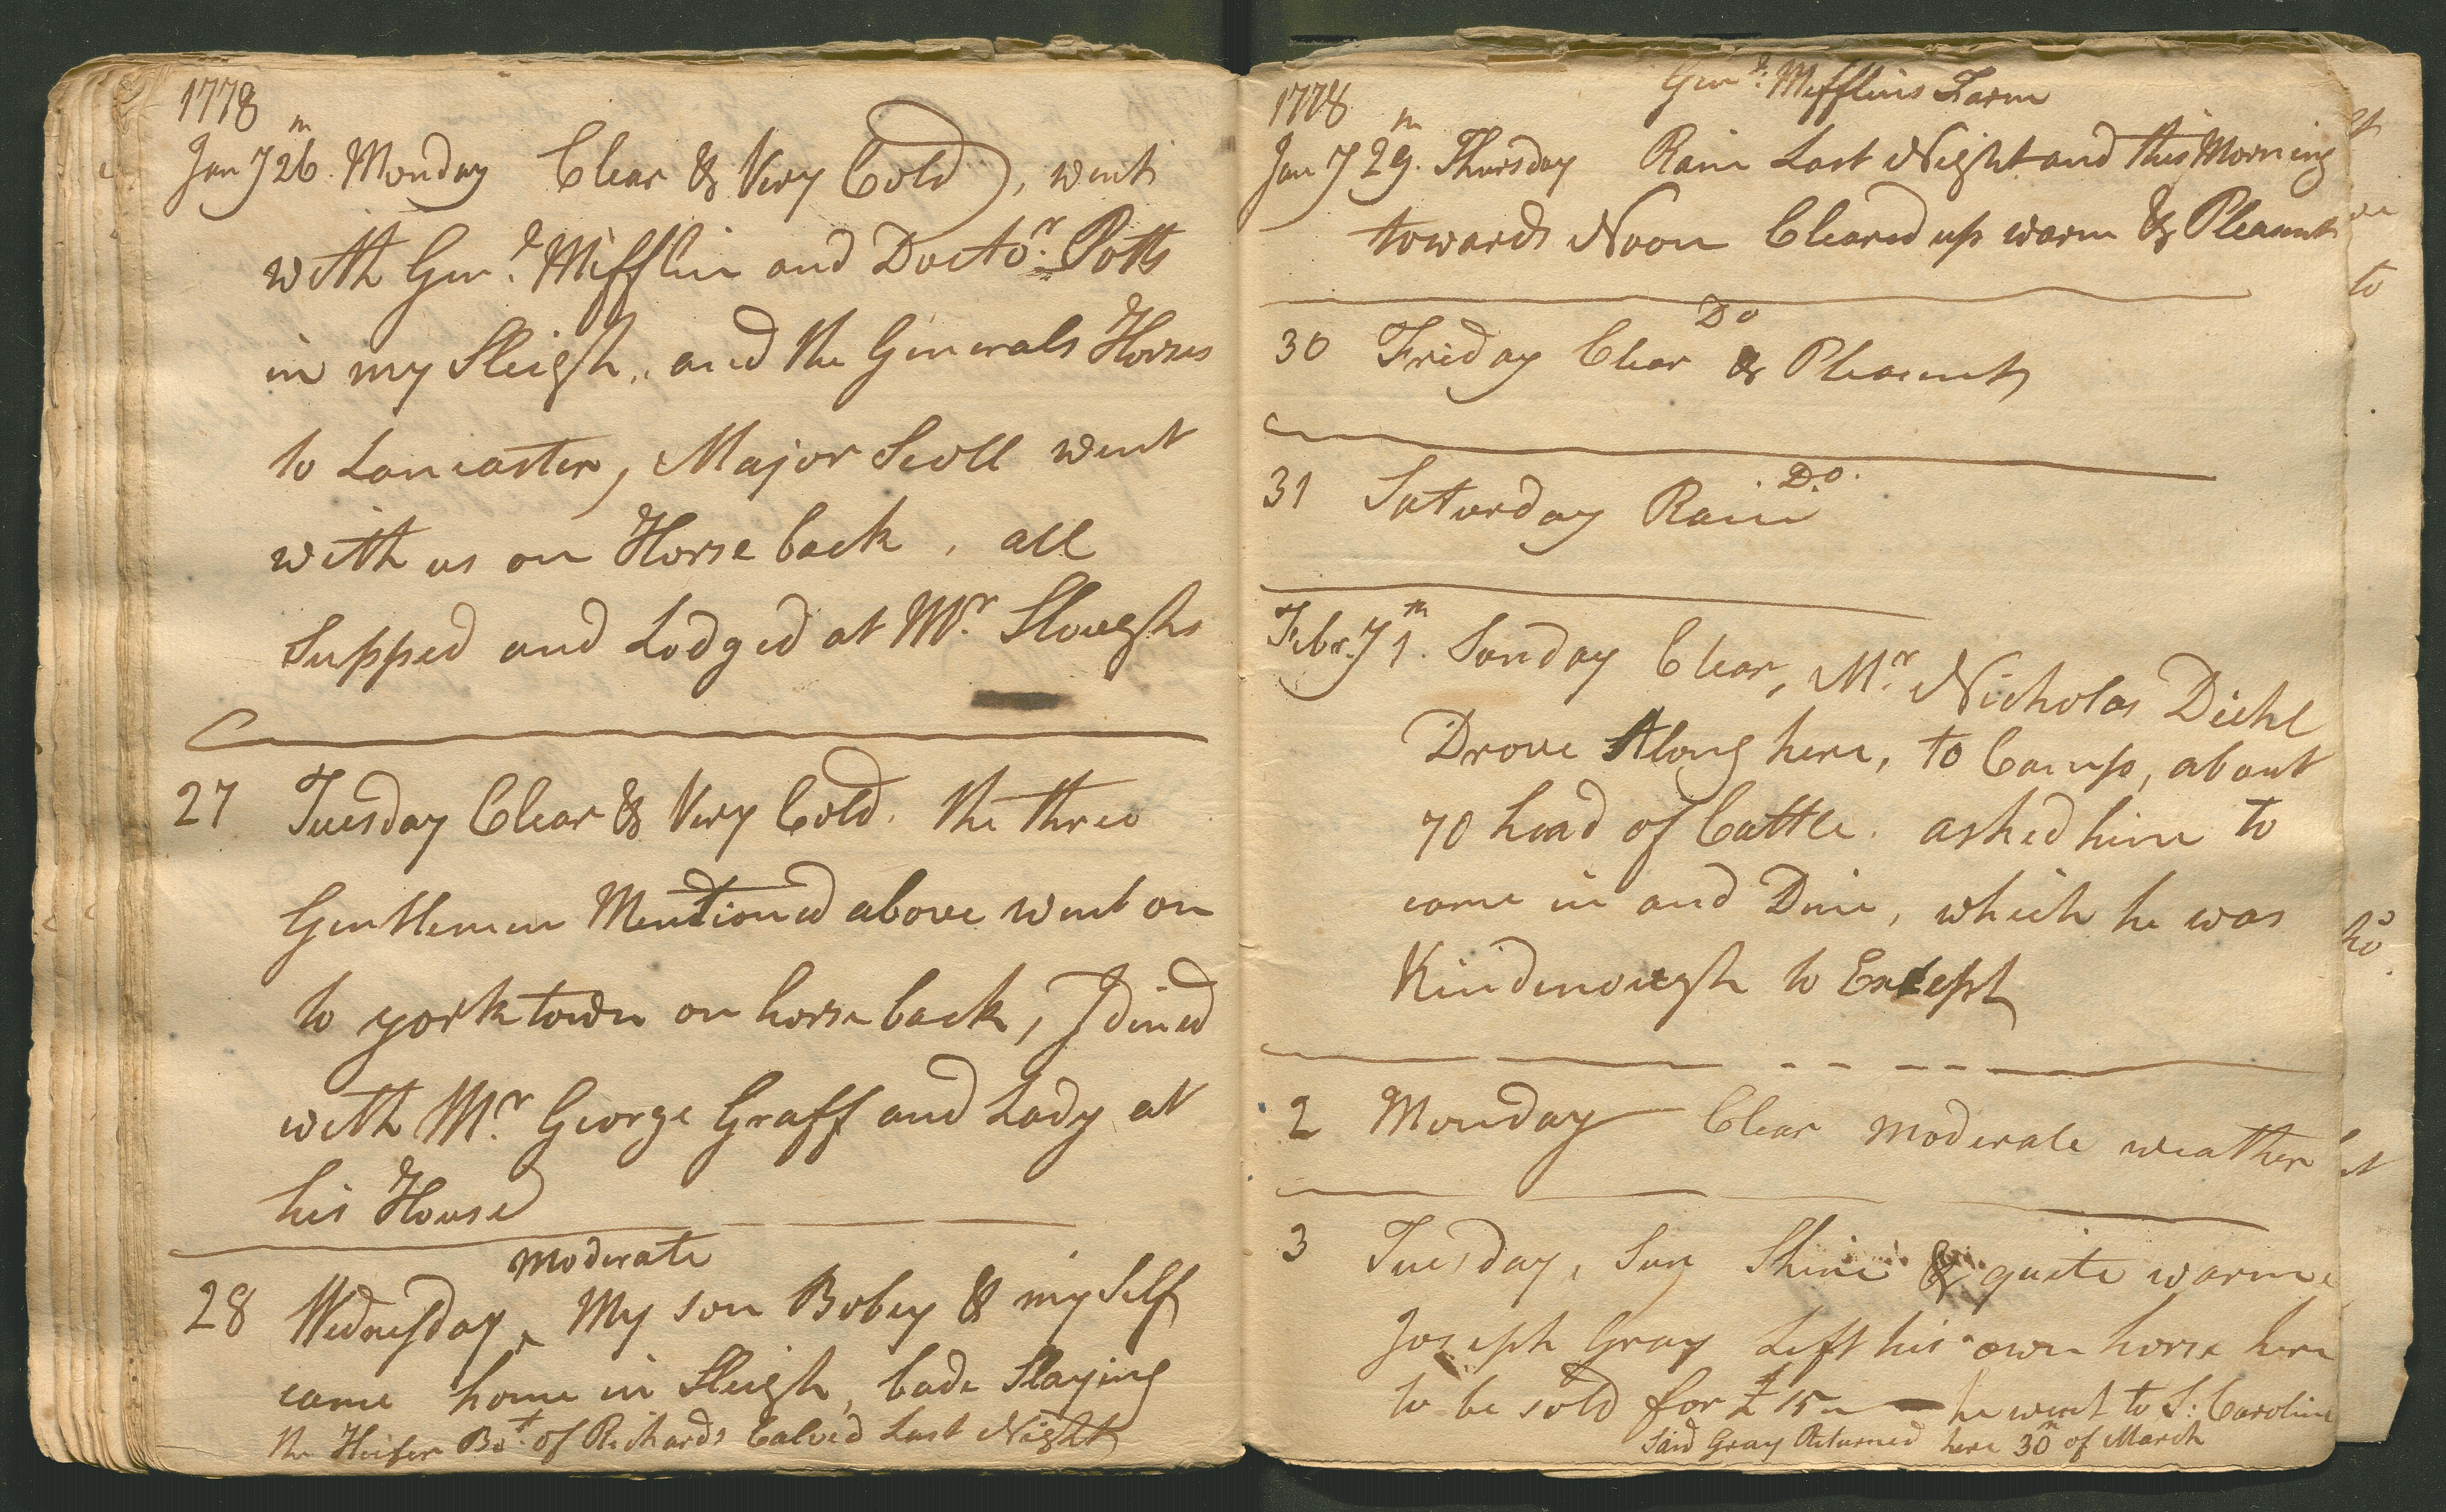1778
Jan^y 26. Monday Clear & Very Cold, went
with Gen^l. Mifflin and Docto^r. Potts
in my Sleigh, and the Generals Horses
to Lancaster, Major Scoll went
with us on Horse back, all
Supped and Lodged at M^r. Sloughs
27 Tuesday Clear & Very Cold. the three
Gentlemen Mentioned above went on
to york town on horse back, I dined
with M^r. George Graff and Lady at
his House
moderate
28 Wednesday ^ My son Bobey & my Self
came home in sleigh, bade slaying
the Heifer Bo^t. of Richards Calved Last Night
1778
Gen^l. Mifflins Farm
Jan^y 7 29th. Thursday Rain Last Night and this Morning
towards Noon Cleared up warm & Pleasent,
30 Friday Clear & Pleasent
31 Saturday Rain
Febr^y. 1^th Sunday Clear, M^r. Nicholas Diehl
Drove Along here, to Camp, about
70 head of Cattle. asked him to
come in and Dine, which he was
Kind enough to Except
2 Monday Clear Moderate weather
3 Tuesday, Sun Shine & quite warme
Joseph Gray Left his own horse here
to be sold for £15- he went to S: Carolina
Said Gray Returned here 30^th of March